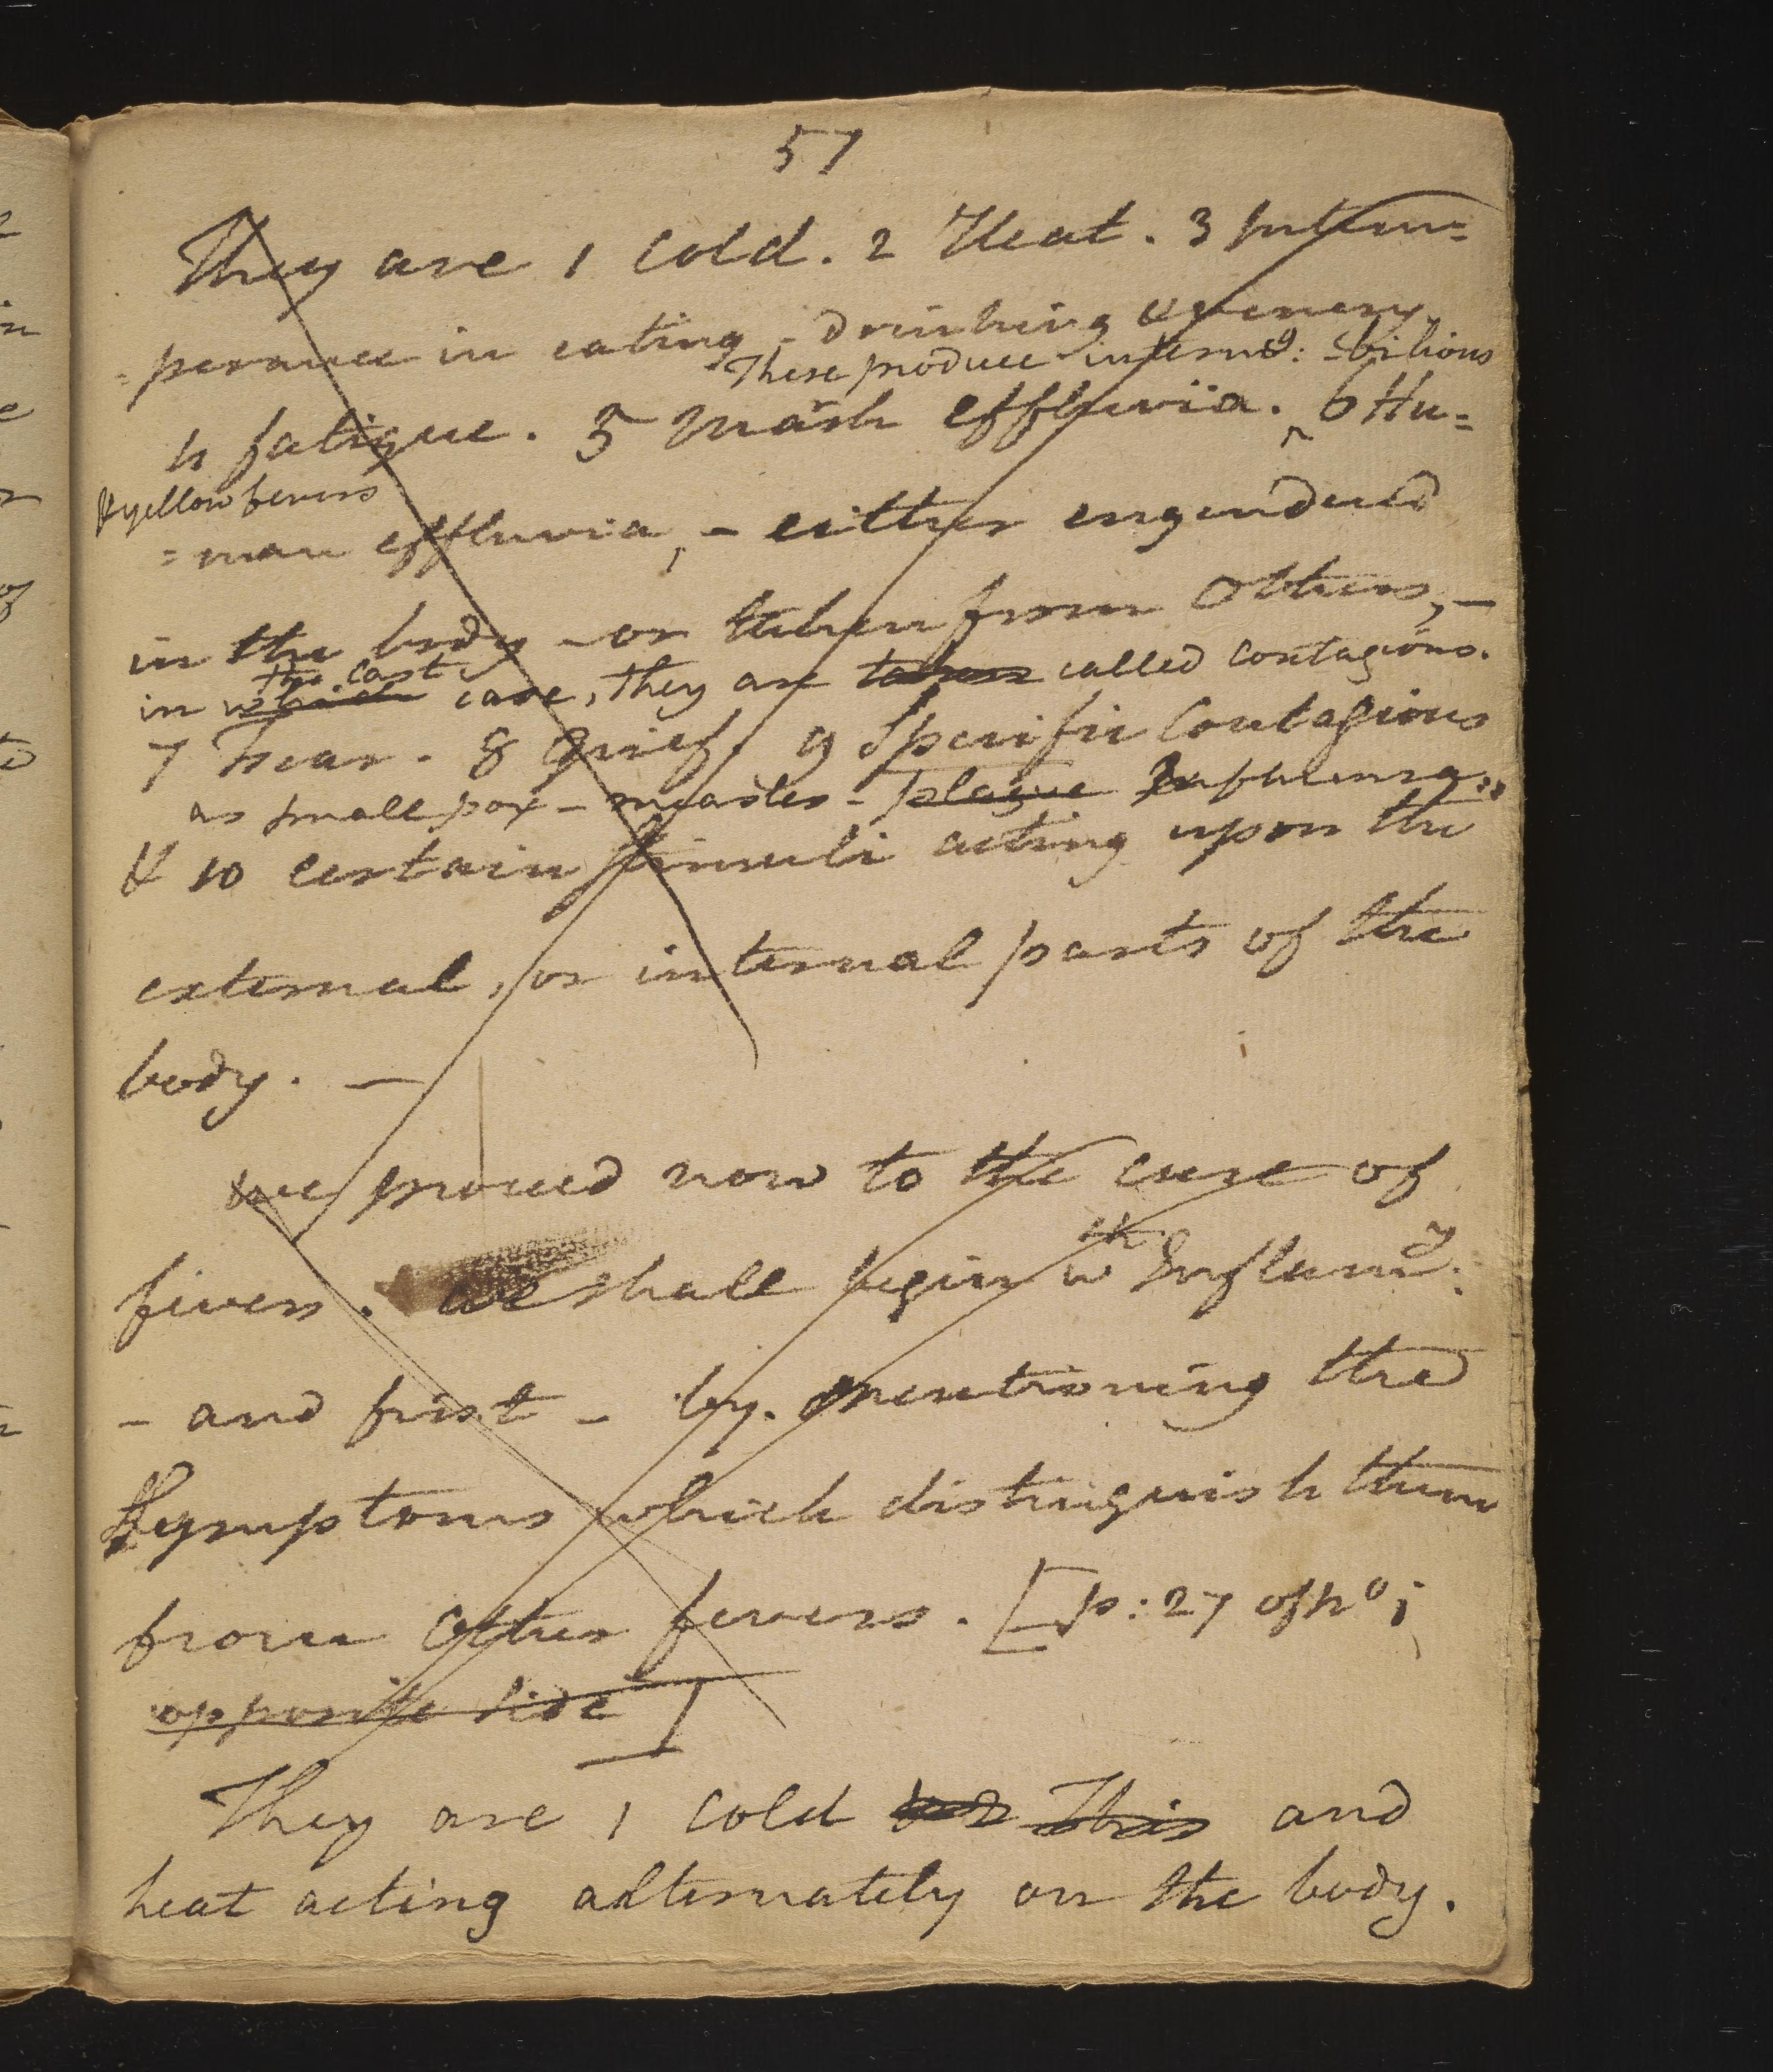57
They are 1 cold. 2 Heat. 3 Intem-
perance in eating- drinking & venery
These produce interm^g:- bilious
in fatigue. 5 Marsh effluvia ^ 6 Hu-
& yellow fevers
-man effluvia,- either engendered
in the body- or taken from others,-
the cost
in [which] case, they are [taken] called contagions
7 Fear. 8 Grief. 9 Specific Contagions
as smallpox, measles- [plague] Suffering
& to certain Stimuli acting upon the
external, or internal parts of the
body.
We moved now to the case of
fevers. We shall begin w^th inflam^y
- and first- by mentioning the
Symptoms which distinguish the
from other fevers. (p. 27 of N^o 1
opposite side)
They are 1 Cold [___] [This] and
heat acting alternately on the body.